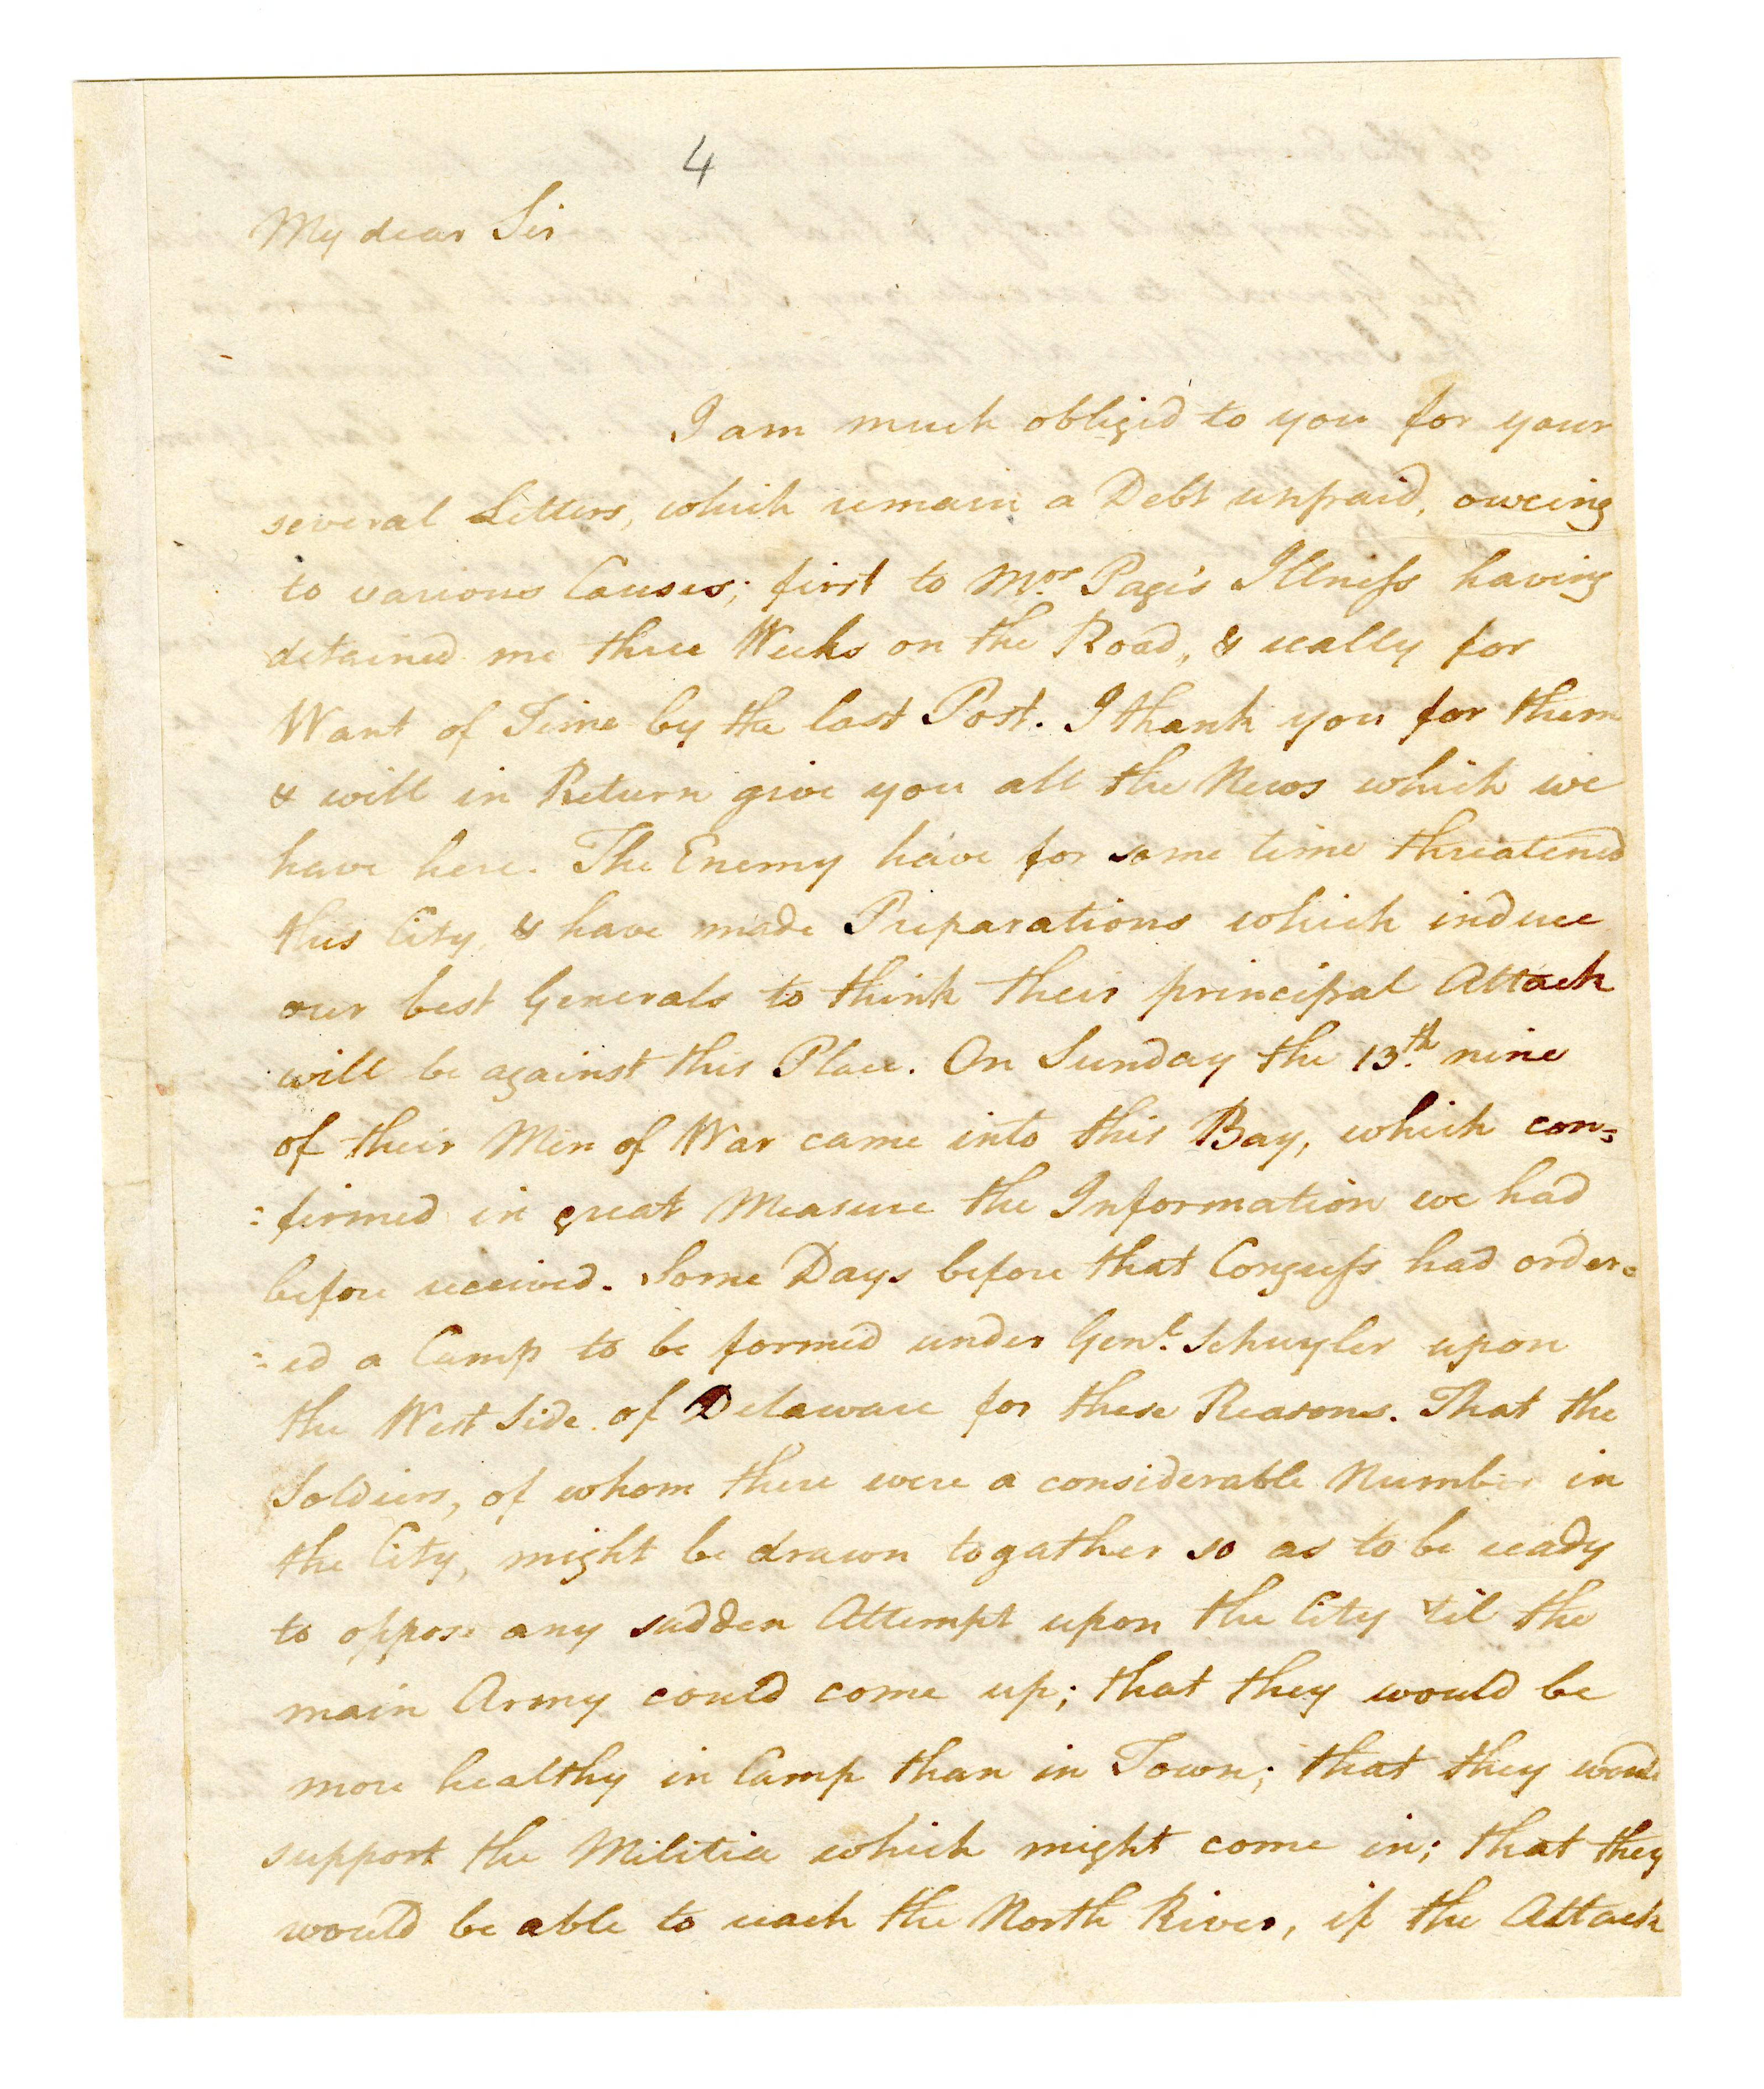My dear Sir
I am much obliged to you for your
several Letters, which remain a Debt unpaid, oweing
to various Causes; first to M^rs. Page's Illness having
detained me three Weeks on the Road, & really for
Want of Time by the last Post. I thank you for them
& will in Return give you all the News which we
have here. The Enemy have for some time threatened
this City & have made Preparations which induce
our best Generals to think their principal Attack
will be against this Place. On Sunday the 13^th. nine
of their Men of War came into this Bay, which con-
-firmed in great measure the Information we had
before received. Some Days before that Congress had order-
-ed a Camp to be formed under Gen^l. Schuyler upon
the West Side of the Delaware for these Reasons. That the
Soldiers, of whom there were a considerable number in
the City, might be drawn togather so as to be ready
to oppose any sudden Attempt upon the City til the
main Army could come up; that they would be
more healthy in Camp than in Town; that they would
support the Militia which might come in; that they
would be able to reach the North River, if the Attack